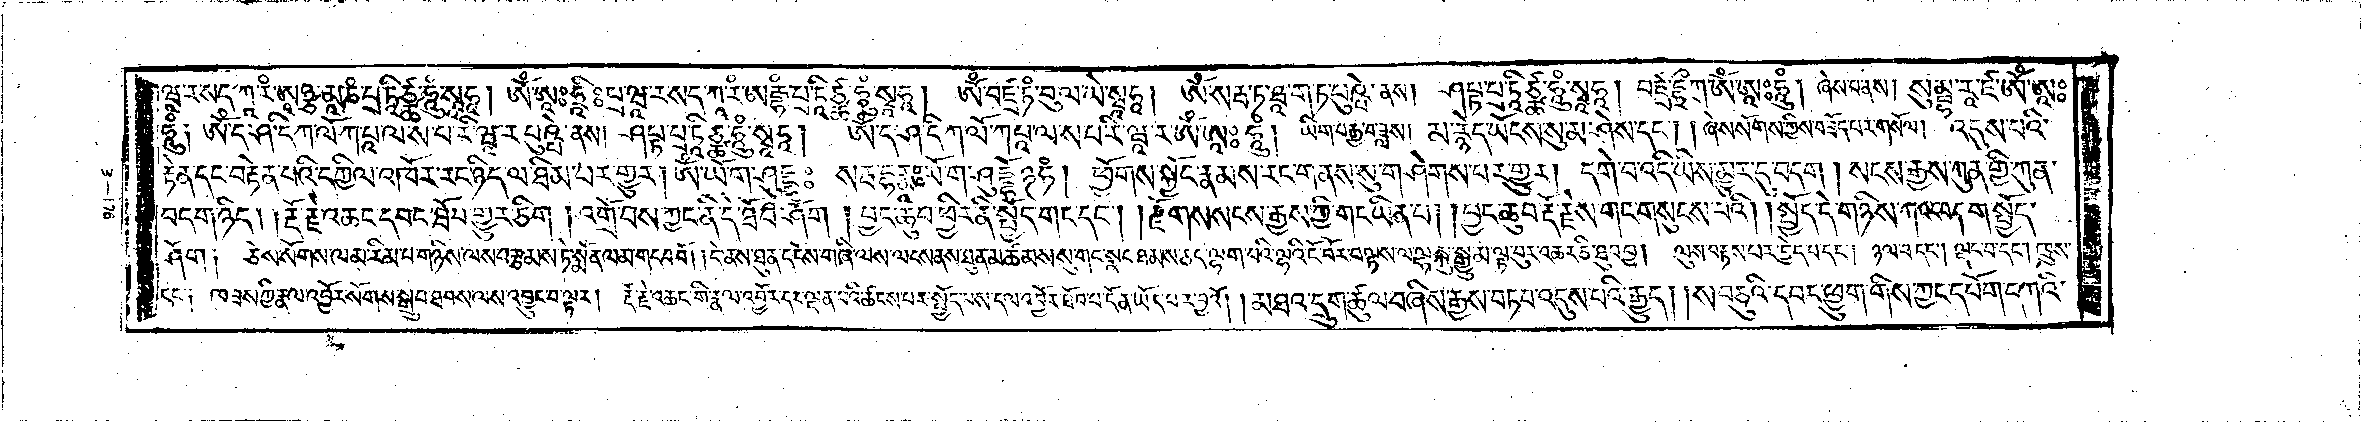ཝཱ་ར་སད་ཀཱ་རཾ་ཨའྙྩ་མཱཎཾ་པྲཏཱིཙྪ་ཧཱུཾ་སྭཱཧཱ། ཨོཾ་ཨཱཿཧྲཱིཿ པྲ་ཝཱ་ར་སད་ཀཱ་རཾ་ཨརྦྷཾ་པྲ་ཏཱིཙྪ་ཧཱུཾ་སྭཱཧཱ། ཨོཾ་བཛྲ་ཏཾ་བུ་ལ་ཡེ་སྭཱཧཱ། ཨོཾ་སརྦ་ཏ་ཐཱ་ག་ཏ་པུཥྤེ་ནས། ཤཔྟ་པྲ་ཏཱི་ཙྪ་ཧཱུཾ་སྭཱཧཱ། བཛྲ་ཌྷྲྀ་ཀྲ་ཨོཾ་ཨཱཿཧཱུཾ། ཞེས་པ་ནས། སུ་མྦྷ་རཱ་ཛ་ཨོཾ་ཨཱཿ
ཧཱུཾ། ཨོཾ་ད་ཤ་དིཀ་ལོ་ཀ་པཱ་ལ་ས་པ་རི་ཝཱ་ར་པུཥྤེ་ནས། ཤཔྟ་པྲ་ཏཱི་ཙྪ་ཧཱུཾ་སྭཱཧཱ། ཨོཾ་ད་ཤ་དི་ཀ་ལོ་ཀྤཱ་ལ་ས་པ་རི་ཝཱ་ར་ཨོཾ་ཨཱཿ ཧཱུཾ། ཡིག་བརྒྱ་བཟླས། མ་རྙེད་ཡོངས་སུ་མ་ཤེས་དང་། །ཞེས་སོགས་ཀྱིས་བཟོད་པར་གསོལ། འདུས་པའི་
རྟེན་དང་བརྟེན་པའི་དཀྱིལ་འཁོར་རང་ཉིད་ལ་ཐིམ་པར་གྱུར། ཨོཾ་ཡོ་ག་ཤུདྡྷཿ སརྦ་དྷརྨཿ ཡོག་ཤུདྡྷོཉ྄ཧཾ། ཕྱོགས་སྐྱོང་རྣམས་རང་གནས་སུ་གཤེགས་པར་གྱུར། དགེ་བ་འདི་ཡིས་མྱུར་དུ་བདག། སངས་རྒྱས་ཀུན་གྱི་ཀུན་
བདག་ཉིད། །རྡོ་རྗེ་འཆང་དབང་ཐོབ་གྱུར་ཅིག ། འགྲོ་བས་ཀྱང་ནི་དེ་ཐོབ་ཤོག །བྱང་ཆུབ་ཕྱིར་ནི་སྤྱོད་གང་དང་། །རྫོགས་སངས་རྒྱས་ཀྱི་གང་ཡིན་པ། །བྱང་ཆུབ་རྡོ་རྗེས་གང་གསུངས་པའི། །སྤྱོད་དེ་གཉིས་ཀའང་བདག་སྤྱོད་
ཤོག༑ ཅེས་སོགས་ལམ་རིམ་པ་གཉིས་ལས་བརྩམས་ཏེ་སྨོན་ལམ་གདབ་བོ། །དེ་ནས་ཐུན་དངོས་གཞི་ལས་ལངས་ནས་ཐུན་མཚམས་སུ་གང་སྣང་ཐམས་ཅད་ལྷག་པའི་ལྷའི་ངོ་བོར་བལྟས་ལ་ལྷ་སྐུ་སྒྱུ་མ་ལྟ་བུར་འཆར་ཅི་ཐུབ་བྱ། ལུས་བརྟགས་པར་བྱེད་པ་དང་། ཉལ་བ་དང་། ལྡང་བ་དང་། ཁྲུས་
དང་། ཁ་ཟས་ཀྱི་རྣལ་འབྱོར་སོགས་སྒྲུབ་ཐབས་ལས་འབྱུང་བ་ལྟར། རྡོ་རྗེ་འཆང་གི་རྣལ་འབྱོར་དང་ལྡན་པའི་ཚངས་པར་སྤྱོད་པས་ནལ་འབྱོར་ཐོབ་པ་དོན་ཡོད་པར་བྱའོ། །མཐའ་དྲུག་ཚུལ་བཞིས་རྒྱས་བཏབ་འདུས་པའི་རྒྱུད། །ས་བཅུའི་དབང་ཕྱུག་གིས་ཀྱང་དཔོག་དཀའི་